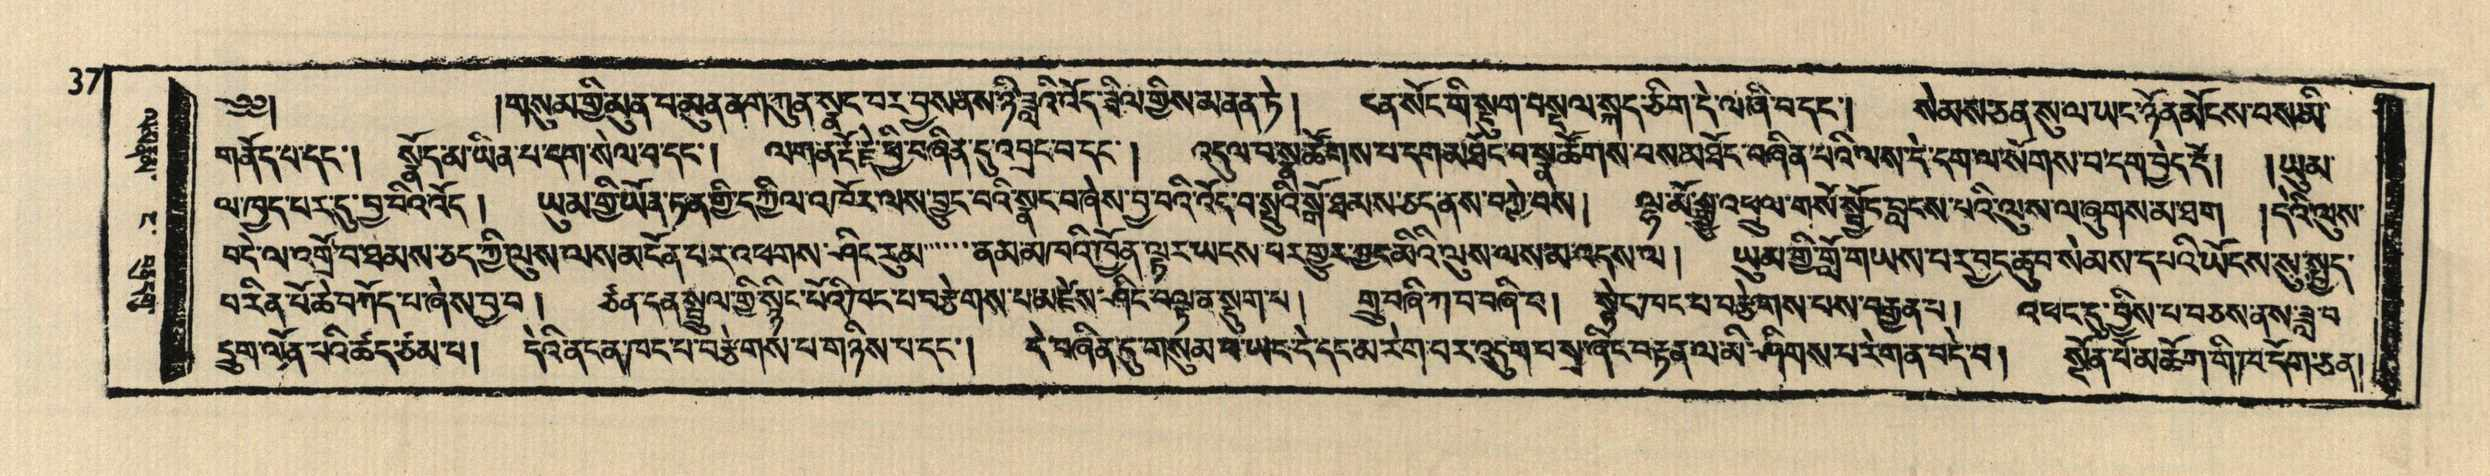༄༅། །གསུམ་གྱི་མུན་པ་མུན་ནག་ཀུན་སྣང་བར་བྱས་ནས་ཉི་ཟླའི་འོད་ཟིལ་གྱིས་མནན་ཏེ། ངན་སོང་གི་སྡུག་བསྔལ་སྐད་ཅིག་དེ་ལ་ཞི་བ་དང་། སེམས་ཅན་སུ་ལ་ཡང་ཉོན་མོངས་བས་མི་
གནོད་པ་དང་། སྣོད་མ་ཡིན་པ་དག་སེལ་བ་དང་། ལག་ན་རྡོ་རྗེ་ཕྱི་བཞིན་དུ་འབྲང་བ་དང་། འདུལ་བ་སྣ་ཚོགས་པ་དག་མཐོང་བ་སྣ་ཚོགས་པས་མཐོང་བཞིན་པའི་ལས་དེ་དག་ལ་སོགས་པ་དག་བྱེད་དོ། །ཡུམ་
ལ་ཁྱད་པར་དུ་བྱ་བའི་འོད། ཡུམ་གྱི་ཡོན་ཏན་གྱི་དཀྱིལ་འཁོར་ལས་བྱུང་བའི་སྣང་བ་ཞེས་བྱ་བའི་འོད་བ་སྤུའི་སྒོ་ཐམས་ཅད་ནས་བཀྱེ་བས། ལྷ་མོ་སྒྱུ་འཕྲུལ་གསོ་སྦྱོང་བླངས་པའི་ལུས་ལ་ཞུགས་མ་ཐག །དེའི་ལུས་
བདེ་ལ་འགྲོ་བ་ཐམས་ཅད་ཀྱི་ལུས་ལས་མངོན་པར་འཕགས་ཤིང་རུམ་ནམ་མཁའི་ཁྱོན་ལྟར་ཡངས་པར་གྱུར་ཀྱང་མིའི་ལུས་ལས་མ་འདས་ལ། ཡུམ་གྱི་གློ་གཡས་བར་བྱང་ཆུབ་སེམས་དཔའི་ཡོངས་སུ་སྤྱད་
པ་རིན་པོ་ཆེ་བཀོད་པ་ཞེས་བྱ་བ། ཙན་དན་སྤྲུལ་གྱི་སྙིང་པོའི་ཁང་པ་བརྩེགས་པ་མཛེས་ཤིང་བལྟ་ན་སྡུག་པ། གྲུ་བཞི་ཀ་བཞི་པ། སྟེང་ཁང་པ་བརྩེགས་པས་བརྒྱན་པ། འཕང་དུ་བྱིས་པ་བཅས་ནས་ཟླ་བ་
དྲུག་ལོན་པའི་ཚད་ཙམ་པ། དེའི་ནང་ན་ཁང་པ་བརྩེགས་པ་གཉིས་པ་དང་། དེ་བཞིན་དུ་གསུམ་པ་ཡང་དེ་དང་མ་རེག་བར་འདུག་པ་སྲ་ཞིང་བརྟན་ལ་མི་ཤིགས་པ་རེག་ན་བདེ་བ། སྔོན་པོ་མཆོག་གི་ཁ་དོག་ཅན།